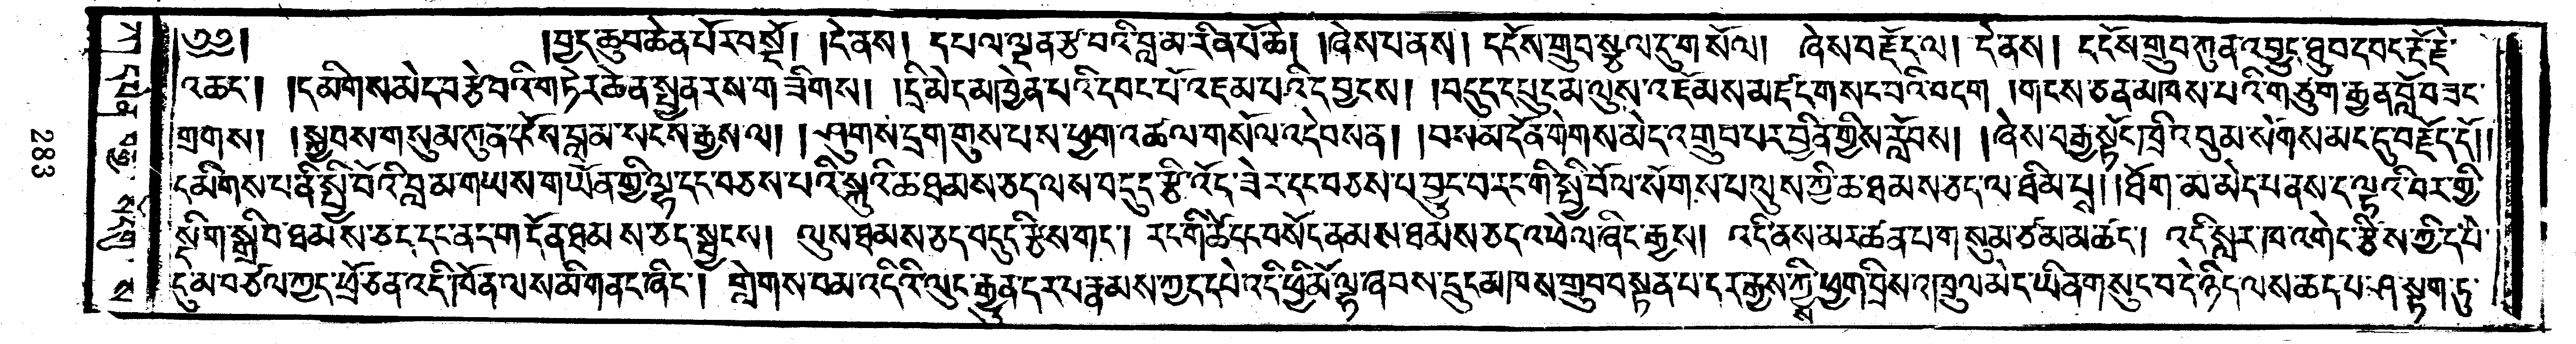༄༅། །བྱང་ཆུབ་ཆེན་པོར་བསྔོ། །དེ་ནས། དཔལ་ལྡན་རྩ་བའི་བླ་མ་རིན་པོ་ཆེ། །ཞེས་པ་ནས། དངོས་གྲུབ་སྩལ་དུ་གསོལ། ཞེས་བརྗོད་ལ། དེ་ནས། དངོས་གྲུབ་ཀུན་འབྱུང་ཐུབ་དབང་རྡོ་རྗེ་
འཆང་། །དམིགས་མེད་བརྩེ་བའི་གཏེར་ཆེན་སྤྱན་རས་གཟིགས། །དྲི་མེད་མཁྱེན་པའི་དབང་པོ་འཇམ་པའི་དབྱངས། །བདུད་དཔུང་མ་ལུས་འཇོམས་མཛད་གསང་བའི་བདག །གངས་ཅན་མཁས་པའི་གཙུག་རྒྱན་བློ་བཟང་
གྲགས། །སྐྱབས་གསུམ་ཀུན་དངོས་བླ་མ་སངས་རྒྱས་ལ། །ཤུགས་དྲག་གུས་པས་ཕྱག་འཚལ་གསོལ་འདེབས་ན། །བསམ་དོན་གེགས་མེད་འགྲུབ་པར་བྱིན་གྱིས་རློབས། །ཞེས་བརྒྱ་སྟོང་ཁྲི་འབུམ་སོགས་མང་དུ་བརྗོད་དོ།།
དམིགས་པ་ནི་སྤྱི་བོའི་བླ་མ་གཡས་གཡོན་གྱི་ལྷ་དང་བཅས་པའི་སྐུའི་ཆ་ཐམས་ཅད་ལས་བདུད་རྩི་འོད་ཟེར་དང་བཅས་པ་བྱུང་བ་རང་གི་སྤྱི་བོ་ལ་སོགས་པ་ལུས་ཀྱི་ཆ་ཐམས་ཅད་ལ་ཐིམ་པས། །ཐོག་མ་མེད་པ་ནས་ད་ལྟའི་བར་གྱི་
སྡིག་སྒྲིབ་ཐམས་ཅད་དང་ནད་གདོན་ཐམས་ཅད་སྦྱངས། ལུས་ཐམས་ཅད་བདུད་རྩིས་གང་། རང་གི་ཚེ་དང་བསོད་ནམས་ཐམས་ཅད་འཕེལ་ཞིང་རྒྱས། འདི་ནས་མར་ཚན་པ་གསུམ་ཙམ་མ་ཚད། འདི་སླར་ཁ་འགེང་རྩིས་ཀྱི་དཔེ་
དུ་མ་བཙལ་ཀྱང་ཕྲོ་ཅན་འདི་ཁོ་ན་ལས་མི་གནང་ཞིང་། གླེགས་བམ་འདིའི་ལུང་རྒྱུན་དར་པ་རྣམས་ཀྱང་དཔེ་འདི་ཕྱི་མོ་ལྷ་ཞབས་དྲུང་མཁས་གྲུབ་བསྟན་པ་དར་རྒྱས་ཀྱིས་ཕྱག་བྲིས་འཁྲུལ་མེད་ཡིན་གསུང་བ་དེ་ཉིད་ལས་ཆད་པ་ཤ་སྟག་ཏུ་